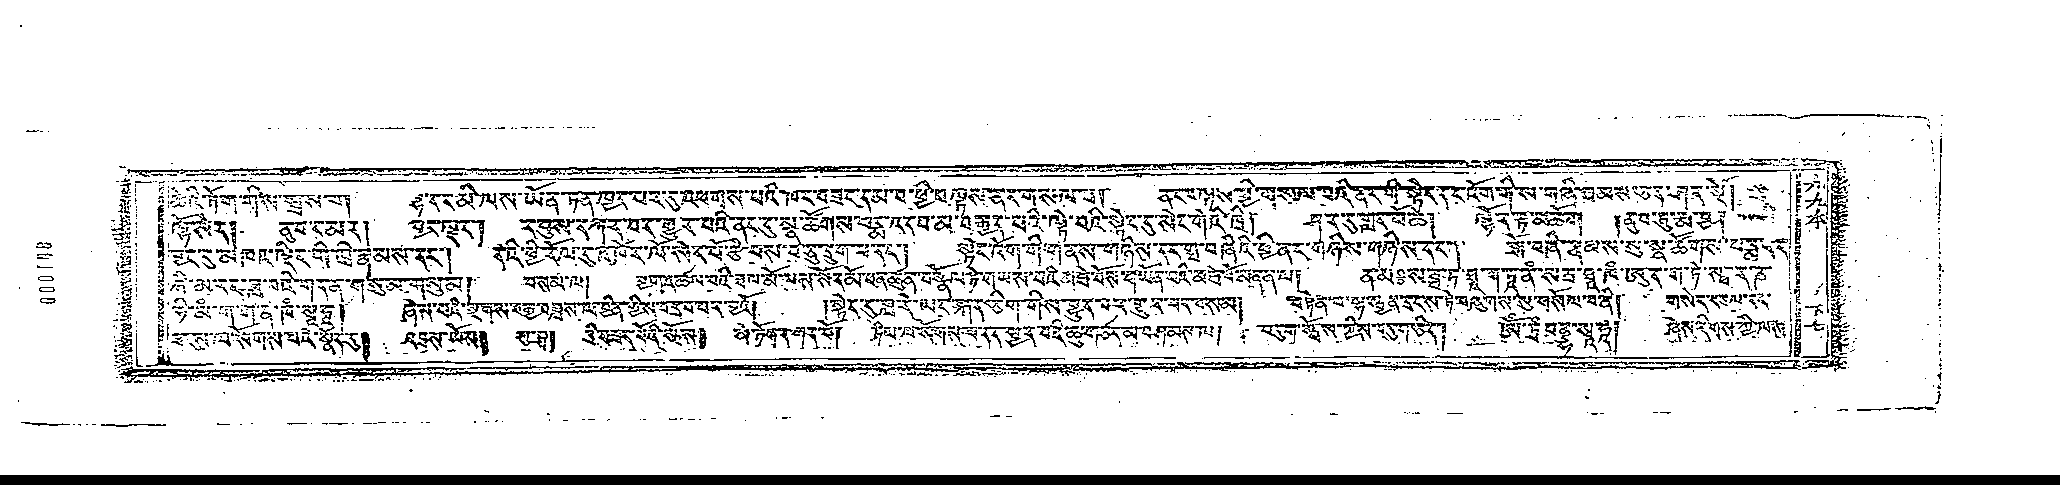ཆེའི་ཏོག་གིས་སྤྲས་པ། ལྷ་དང་མི་ལས་ཡོན་ཏན་ཁྱད་པར་དུ་འཕགས་པའི་ཁང་བཟང་དམ་བ་ཕྱི་བ་ལྟས་ནང་གསལ་བ། ནང་བལྟས་ཕྱི་གསལ་བའི་ནང་གི་སྟེང་གི་འོག་གིས་གཞི་ཐམས་ཅད་ཤར་སྔོ།
ལྷོ་སེར། ནུབ་དམར། བྱང་ལྗང་། དབུས་དཀར་བར་གྱུར་པའི་ནང་དུ་སྣ་ཚོགས་པདམ་འདབ་མ་བརྒྱད་པའི་ལྟེ་བའི་སྟེང་དུ་སེང་གེའི་ཁྲི། ཤར་དུ་གླང་པོ་ཆེ། ལྷོར་རྟ་མཆོག །ནུབ་ཏུ་རྨ་བྱ།
བྱང་དུ་མཁའ་ལྡིང་གི་ཁྲི་རྣམས་དང་། དེའི་ཕྱི་རོལ་དུ་འཁོར་ལོ་སེར་པོ་རྩི་བས་བཅུ་དྲུག་པ་དང་། སྟེང་འོག་གི་གནས་གཉིས་དང་གླ་བཞིའི་ཕྱི་ནང་གཉིས་གཉིས་དང་། སྒོ་བཞི་རྣམས་སུ་སྣ་ཚོགས་པདམ་དང་
ཉི་མ་དང་ཟླ་བའི་གདན་གསུམ་གསུམ། བསམ་ལ། ཕྱག་འཚལ་བའི་ཐལ་མོ་ལས་སོར་མོ་ཕན་ཚུན་བསྣོལ་ཏེག་ལས་པའི་མཐེ་པོས་གཡོན་ལའི་མྦྲེ་པོ་མནན་ལ། ན་མཿ་སརྦྦ་ཏ་ཐཱ་ག་ཏཱ་ནཾ་སརྦ་ཐཱ་ཁཾ་ཨུད་གཏེ་སྥ་ར་ཎ་
ཧི་མཾ་ག་ག་ན་ཁཾ་སྭཱཧཱ། ཞེས་བའི་སྔགས་བརྒྱ་བཟླས་ལ་བྱིན་གྱིས་བཟླབ་པར་བྱའོ། སྟེང་དུ་བླར་ཡང་སྐད་ཅིག་གིས་བྱུང་བར་གྱུར་བར་བསམ། བརྟེན་པ་ལྷ་སྤྱན་དྲངས་ཏེ་བཞུགས་སུ་གསོལ་པ་ནི། གསེར་དངུལ་དང་
ཟངས་ལ་སོགས་པའི་སྣོད་དུ། འབྲས་ཡོས། ཀུ་ཤ། དྲི་བཟང་པོའི་སྤོས། མེ་ཏོག་དཀར་པོ། ཏིལ་ལ་སོགས་པ་དང་སྤྱར་བའི་ཆུ་གཙང་མ་བཤམས་ལ། བདུག་སྤོས་ཀྱིས་བདུག་ཅིང་། ཨོཾ་ཏྲཾ་བནྡྷ་སྭཱཧཱ། ཞེས་རིགས་ཀྱི་ལས་